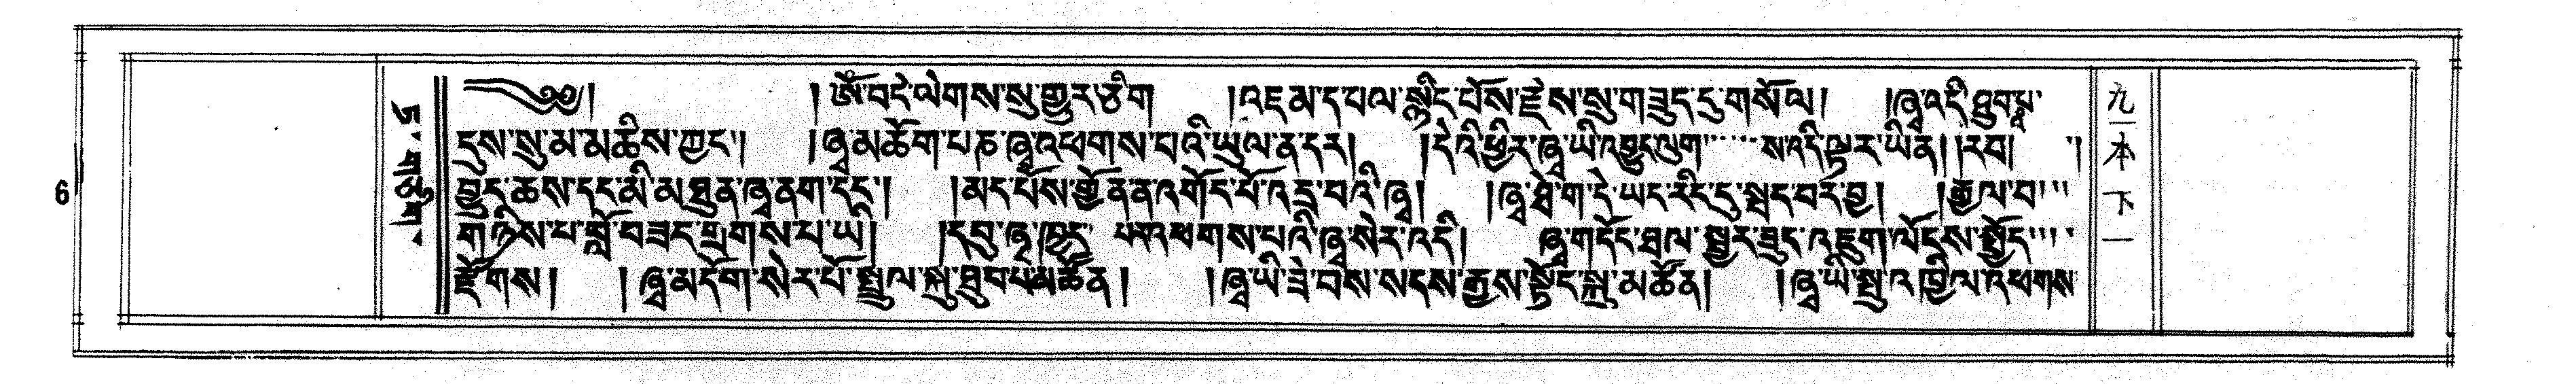༄༅། །ཨོཾ་བདེ་ལེགས་སུ་གྱུར་ཅིག །འཇམ་དཔལ་སྙིང་པོས་རྗེས་སུ་གཟུང་དུ་གསོལ། །ཞྭ་འདི་ཐུབ་པ་
དུས་སུ་མ་མཆིས་ཀྱང་། །ཞྭ་མཆོག་པཎ་ཞྭ་འཕགས་པའི་ཡུལ་ན་དར། །དེའི་ཕྱིར་ཞྭ་ཡི་འབྱུང་ལུག་ས་འདི་ལྟར་ཡིན། །རབ། །
བྱུང་ཆས་དང་མི་མཐུན་ཞྭ་ནག་དང་། །མང་པོས་གྱོན་ན་འགོང་པོ་འདྲ་བའི་ཞྭ། །ཞྭ་ཐེ་ག་དེ་ཡང་རིང་དུ་སྤང་བར་བྱ། །རྒྱལ་བ་
གཉིས་པ་བློ་བཟང་གྲགས་པ་ཡི། །དབུ་ཞྭ་ཁྱད་པར་འཕགས་པའི་ཞྭ་སེར་འདི། ཞྭ་གདོང་ཐལ་སྦྱར་ཟུང་འཇུག་ལོངས་སྤྱོད་
རྫོགས། །ཞྭ་མདོག་སེར་པོ་སྤྲུལ་སྐུ་ཐུབ་པ་མཚོན། །ཞྭ་ཡི་ཟེ་བས་སངས་རྒྱས་སྟོང་སྐུ་མཚོན། །ཞྭ་ཡི་སྤུ་འཁྱིལ་འཕགས་